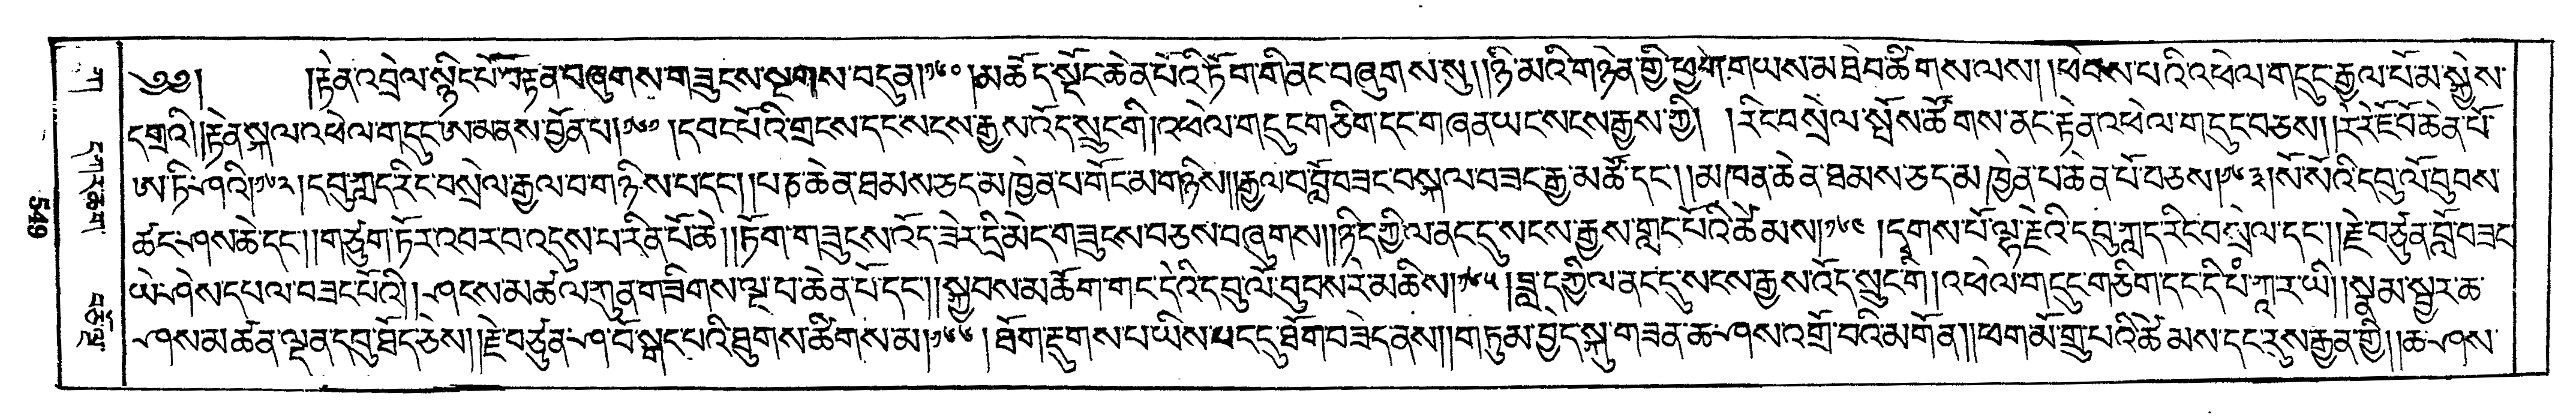༄༅། །རྟེན་འབྲེལ་སྙིང་པོ་བརྟན་བཞུགས་གཟུངས་སྔགས་བདུན། ༡༦༠་།མཆོད་སྡོང་ཆེན་པོའི་ཏོག་གི་ནང་བཞུགས་སུ། །ཉི་མའི་གཉེན་གྱི་ཕྱག་གཡས་མ་ཐེབ་ཚིགས་ལས། །ཕེབས་པའི་འཕེལ་གདུང་རྒྱལ་པོ་མ་སྐྱེས་
དགྲའི། །རྟེན་སྐལ་འཕེལ་གདུང་ཨ་མ་ནས་བྱོན་པ། ༡༦༡་།དབང་པོའི་གྲངས་དང་སངས་རྒྱས་འོད་སྲུང་གི། འཕེལ་གདུང་གཅིག་དང་གཞན་ཡང་སངས་རྒྱས་ཀྱི། །རིང་བསྲེལ་སྤོས་ཚོགས་ནང་རྟེན་འཕེལ་གདུང་བཅས། །རེ་རེ་ཇོ་བོ་ཆེན་པོ་
ཨ་ཏི་ཤའི། ༡༦༢་།དབུ་ཀླད་རིང་བསྲེལ་རྒྱལ་བ་གཉིས་པ་དང་། །པཎ་ཆེན་ཐམས་ཅད་མཁྱེན་པ་གོང་མ་གཉིས། །རྒྱལ་བ་བློ་བཟང་བསྐལ་བཟང་རྒྱ་མཚོ་དང་། །མཁན་ཆེན་ཐམས་ཅད་མཁྱེན་པ་ཆེན་པོ་བཅས། ༡༦༣་།སོ་སོའི་དབུ་ལོ་བུབས་
ཚང་ཤས་ཆེ་དང་། །གཙུག་ཏོར་འབར་བ་འདུས་པ་རིན་པོ་ཆེ། །ཏོག་གཟུངས་འོད་ཟེར་དྲི་མེད་གཟུངས་བཅས་བཞུགས། །ཉིད་ཀྱི་ལ་ནང་དུ་སངས་རྒྱས་གླང་པོའི་ཚེམས། ༡༦༤་།དྭགས་པོ་ལྷ་རྗེའི་དབུ་ཀླད་རིང་བསྲེལ་དང་། །རྗེ་བཙུན་བློ་བཟང་
ཡེ་ཤེས་དཔལ་བཟང་པོའི། །ཤངས་མཚལ་ཀུན་གཟིགས་ལྔ་པ་ཆེན་པོ་དང་། །སྐྱབས་མཆོག་གང་དེའི་དབུ་ལོ་བུབས་རེ་མཆིས། ༡༦༥་།ཟླ་དཀྱིལ་ནང་དུ་སངས་རྒྱས་འོད་སྲུང་གི། །འཕེལ་གདུང་གཅིག་དང་དི་པཾ་ཀཱ་ར་ཡི། །སྣམ་སྦྱར་ཆ་
ཤས་མཚན་ལྡན་དབུ་ཐོད་ཅེས། །རྗེ་བཙུན་ཤ་བོ་སྒང་པའི་ཐུགས་ཆིགས་མ། ༡༦༦་།ཐོག་རྡུགས་པ་ཡིས་པད་དུ་ཐོག་བཟེད་ནས། །གཏུམ་བྱེད་སྐུ་གཟན་ཆ་ཤས་འགྲོ་བའི་མགོན། །ཕག་མོ་གྲུ་པའི་ཚེམས་དང་རུས་རྒྱན་གྱི། །ཆ་ཤས་